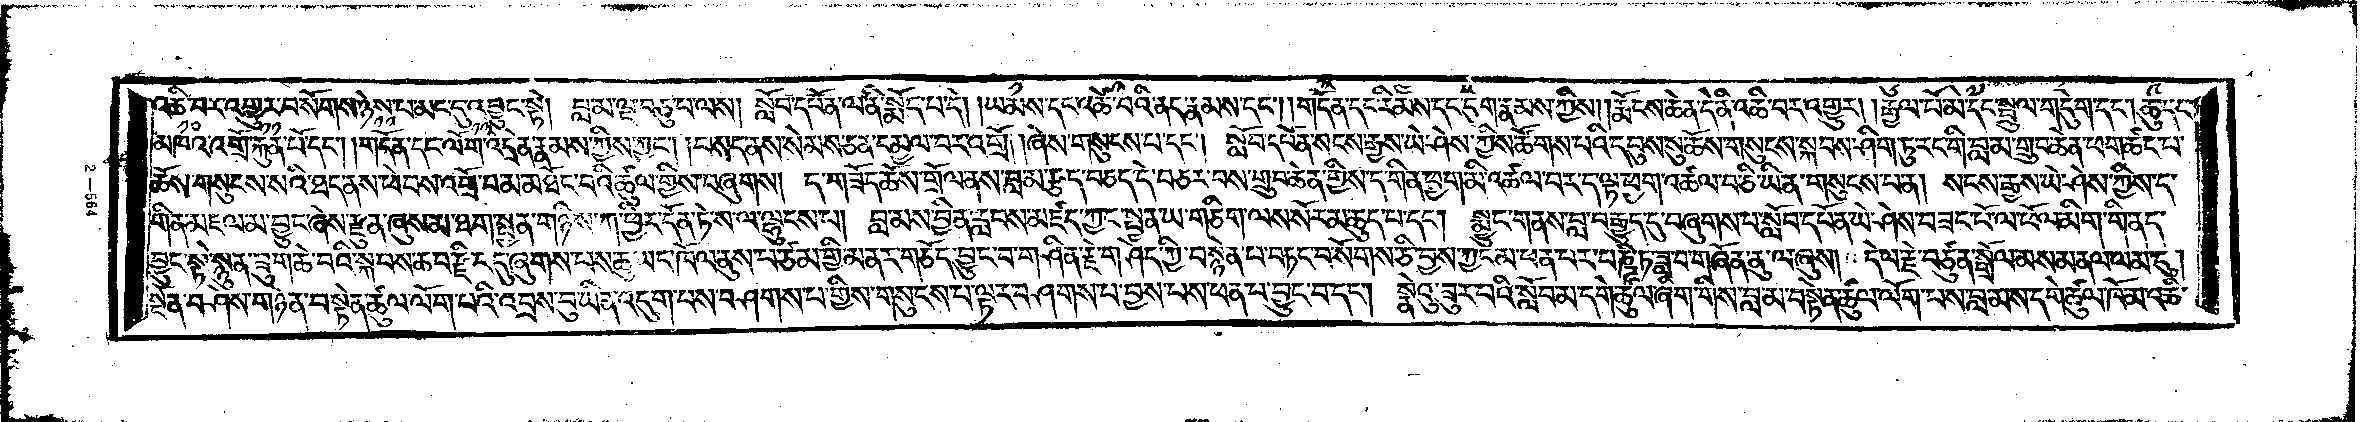འཆི་བར་འགྱུར་བ་སོགས་ཉེས་པ་མང་དུ་འབྱུང་སྟེ། བླ་མ་ལྔ་བཅུ་པ་ལས། སློབ་དཔོན་ལ་ནི་སྨོད་པ་དེ། །ཡམས་དང་འཚེ་བའི་ནད་རྣམས་དང་། །གདོན་དང་རིམས་དང་དུག་རྣམས་ཀྱིས། །རྨོངས་ཆེན་དེ་ནི་འཆི་བར་འགྱུར། །རྒྱལ་པོ་མེ་དང་སྦྲུལ་གདུག་དང་། ཆུ་དང་
མཁའ་འགྲོ་རྐུན་པོ་དང་། །གདོན་དང་ལོག་འདྲེན་རྣམས་ཀྱིས་ཀྱང་། །བསད་ནས་སེམས་ཅན་དམྱལ་བར་འགྲོ། །ཞེས་གསུངས་པ་དང་། སློབ་དཔོན་སངས་རྒྱས་ཡེ་ཤེས་ཀྱིས་ཚོགས་པའི་དབུས་སུ་ཆོས་གསུངས་སྐབས་ཤིག་ཏུ་རང་གི་བླ་མ་གྲུབ་ཆེན་ཕག་ཚང་པ་
ཆོས་གསུངས་སའི་ཐད་ནས་ཕེབས་འགྲོ་བ་མ་མཐོང་བའི་ཚུལ་གྱིས་བཞུགས། ད་གཟོད་ཆོས་གྲོལ་ནས་བླ་མ་རྩད་བཅད་དེ་བཅར་བས་གྲུབ་ཆེན་གྱིས་ད་གིན་ཕྱག་མི་འཚལ་བར་ད་ལྟ་ཕྱག་འཚལ་བ་ཅི་ཡིན་གསུངས་པ་ན། སངས་རྒྱས་ཡེ་ཤེས་ཀྱིས་ད་
གིན་མཇལ་མ་བྱུང་ཞེས་རྫུན་ཞུས་མ་ཐག་སྤྱན་གཉིས་ཀ་ཕྱིར་དོན་ཏེ་ས་ལ་ལྷུངས་པ། བླ་མས་བྱིན་རླབས་མཛད་ཀྱང་སྤྱན་ཡ་གཅིག་ལས་སོར་མཆུད་པ་དང་། སྨྱུང་གནས་བླ་བརྒྱུད་དུ་བཞུགས་པ་སློབ་དཔོན་ཡེ་ཤེས་བཟང་པོ་ལ་ཕོལ་མིག་གི་ནད་
བྱུང་སྟེ་སྙུན་ཟུག་ཆེ་བའི་སྐབས་ཆབ་རྫིང་དུ་ཞུགས་པས་ཆུ་ཡང་ཁོལ་ནུས་པ་ཙམ་གྱི་མནར་གཅོད་བྱུང་བ་གཤིན་རྗེ་གཤེད་ཀྱི་བསྙེན་པ་བཏང་བ་སོགས་ཅི་བྱས་ཀྱང་མ་ཕན་པར་པཎྜི་ཏ་ཟླ་བ་གཞོན་ནུ་ལ་ཞུས། ༧དེ་ལ་རྗེ་བཙུན་སྒྲོལ་མས་མནལ་ལམ་དུ།
སྔོན་བཤེས་གཉེན་བསྟེན་ཚུལ་ལོག་པའི་འབྲས་བུ་ཡིན་འདུག་པས་བཤགས་པ་གྱིས་གསུངས་པ་ལྟར་བཤགས་པ་བྱས་པས་ཕན་པ་བྱུང་བ་དང་། སྣེའུ་ཟུར་བའི་སློབ་མ་དགེ་ཚུལ་ཞིག་གིས་བླ་མ་བསྟེན་ཚུལ་ལོག་པས་བླ་མས་དགེ་ཚུལ་ཁོ་མ་འཆི་